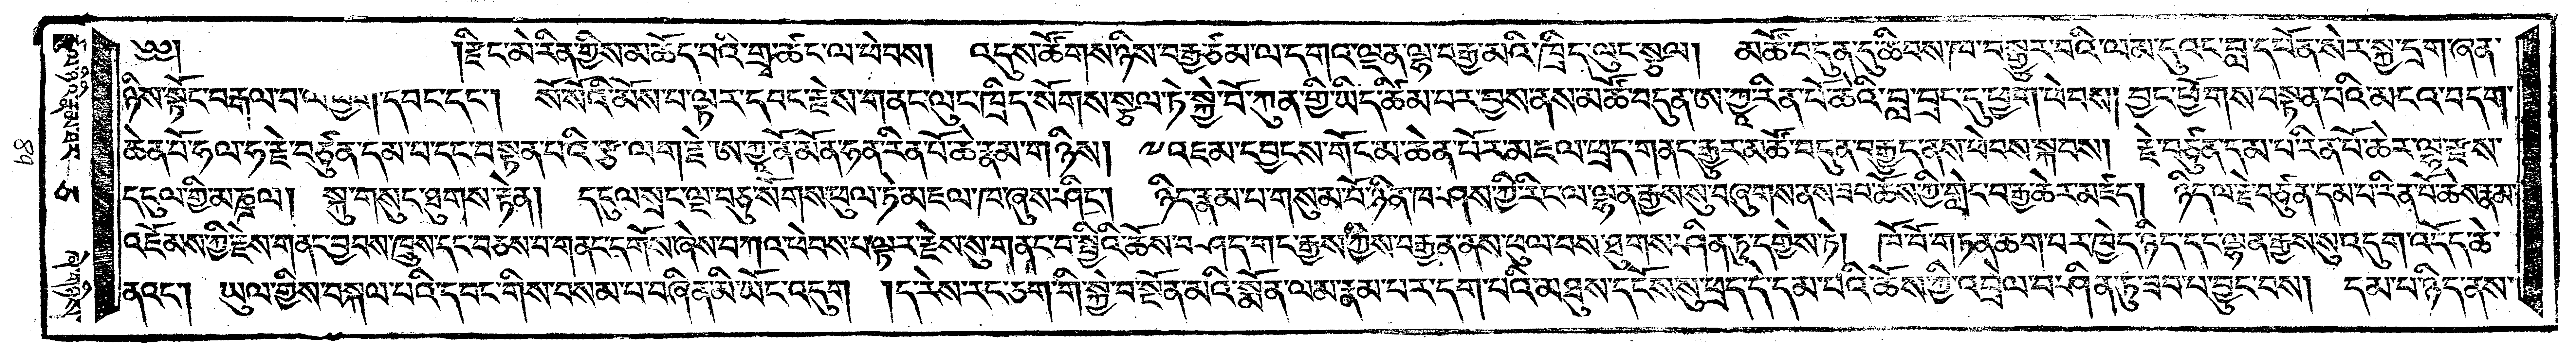༄༅། །རྫིང་མེ་རིན་གྱིས་མཆོད་བའི་གྲྭ་ཚང་ལ་ཕེབས། འདུས་ཚོགས་ཉིས་བརྒྱ་ཙམ་ལ་དགའ་ལྡན་ལྷ་བརྒྱ་མའི་ཁྲིད་ལུང་སྩལ། མཚོ་བདུན་དུ་ཆིབས་ཁ་བསྒྱུར་བའི་ལམ་དུའང་བླ་དཔོན་སེར་སྐྱ་དྲག་ཞན་
ཉིས་སྟོང་བརྒལ་བ་ལ་ཕྱག་དབང་དང་། སོ་སོའི་མོས་པ་ལྟར་དབང་རྗེས་གནང་ལུང་ཁྲིད་སོགས་སྩལ་ཏེ་སྐྱེ་བོ་ཀུན་གྱི་ཡིད་ཚིམ་བར་བྱས་ནས་མཚོ་བདུན་ཨ་ཀྱཱ་རིན་པོ་ཆེའི་བླ་བྲང་དུ་ཕྱག་ཕེབས། བྱང་ཕྱོགས་བསྟན་པའི་མངའ་བདག་
ཆེན་པོ་ཧལ་ཧ་རྗེ་བཙུན་དམ་པ་དང་བསྟན་པའི་རྩ་ལག་རྗེ་ཨ་ཀྱཱ་ནོ་མོན་ཧན་རིན་པོ་ཆེ་རྣམ་གཉིས། ༧་འཇམ་དབྱངས་གོང་མ་ཆེན་པོར་མཇལ་ཕྲད་གནང་རྒྱུར་མཚོ་བདུན་བརྒྱུད་ནས་ཕེབས་སྐབས། རྗེ་བཙུན་དམ་པ་རིན་པོ་ཆེར་ལྷ་རྫས་
དངུལ་གྱི་མཎྜལ། སྐུ་གསུང་ཐུགས་རྟེན། དངུལ་སྲང་ལྔ་བཅུ་སོགས་ཕུལ་ཏེ་མཇལ་ཁ་ཞུས་ཤིང་། ཉིད་རྣམ་པ་གསུམ་པོ་ཉིན་ཁ་ཤས་ཀྱི་རིང་ལ་ལྷན་རྒྱས་སུ་བཞུགས་ནས་ཟབ་ཆོས་ཀྱི་གླེང་བ་རྒྱ་ཆེར་མཛད། ཉིད་ལ་རྗེ་བཙུན་དམ་པ་རིན་པོ་ཆེས་རྣམ་
འཇོམས་ཀྱི་རྗེས་གནང་བྱ་བས་ཁྲུས་དང་བཅས་བ་གནང་དགོས་ཞེས་བཀའ་ཕེབས་པ་ལྟར་རྗེས་སུ་གནང་བ་སྤྱིའི་ཆོས་བཤད་གང་རྒྱས་ཀྱིས་བརྒྱན་ནས་ཕུལ་བས་ཐུགས་ཤིན་ཏུ་དགྱེས་ཏེ། ཁོ་བོ་གཏན་ཆག་བར་ཁྱེད་ཉིད་དང་ལྷན་རྒྱས་སུ་འདུག་འདོད་ཆེ་
ནའང་། ཡུལ་གྱིས་བསྐལ་པའི་དབང་གིས་བསམ་པ་བཞིན་མི་ཡོང་འདུག །ད་རེས་རང་ཅག་གི་སྐྱེ་བ་སྔོན་མའི་སྨོན་ལམ་རྣམ་པར་དག་པའི་མཐུས་དངོས་སུ་ཕྲད་དེ་དམ་པའི་ཆོས་ཀྱི་འབྲེལ་བ་ཤིན་ཏུ་ཟབ་པ་བྱུང་བས། དམ་བ་ཉིད་ནས་